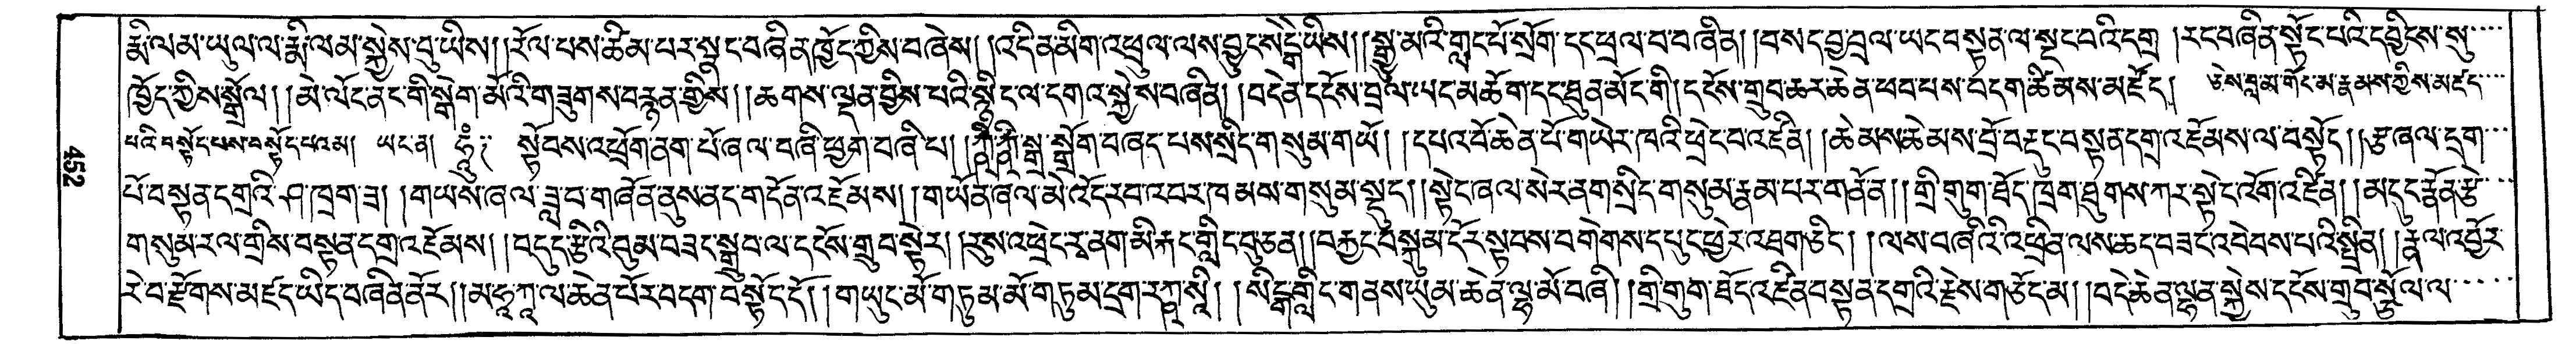རྨི་ལམ་ཡུལ་ལ་རྨི་ལམ་སྐྱེས་བུ་ཡིས། །རོལ་པས་ཚིམ་པར་སྣང་བཞིན་ཁྱོད་ཀྱིས་བཞེས། །འདི་ན་མིག་འཕྲུལ་ལས་བྱུང་སེངྒེ་ཡིས། །སྒྱུ་མའི་གླང་པོ་སྲོག་དང་ཕྲལ་བ་བཞིན། །བསད་བྱ་བྲལ་ཡང་བསྟན་ལ་སྡང་བའི་དགྲ། རང་བཞིན་སྟོང་པའི་དབྱིངས་སུ་
ཁྱོད་ཀྱིས་སྒྲོལ། །མེ་ལོང་ནང་གི་སྒེག་མོའི་གཟུགས་བརྙན་གྱིས། །ཆགས་ལྡན་བྱིས་པའི་སྙིང་ལ་དགའ་སྐྱེས་བཞིན། །བདེན་དངོས་བྲལ་ཡང་མཆོག་དང་ཐུན་མོང་གི། དངོས་གྲུབ་ཆར་ཆེན་ཕབ་པས་བདག་ཚིམས་མཛོད། །ཅེས་བླ་མ་གོང་མ་རྣམས་ཀྱིས་མཛད་
པའི་བསྟོད་པས་བསྟོད་པའམ། །ཡང་ན། ཧཱུཾ༑ སྟོབས་འཕྲོག་ནག་པོ་ཞལ་བཞི་ཕྱག་བཞི་པ། །ཀྵིཾ་ཀྵིཾ་སྒྲ་སྒྲོག་བཞད་པས་སྲིད་གསུམ་གཡོ། །དཔའ་བོ་ཆེན་པོ་གཡེར་ཁའི་ཕྲེང་བ་འཛིན། །ཆེམས་ཆེམས་བྲོ་བརྡུང་བསྟན་དགྲ་འཇོམས་ལ་བསྟོད། །རྩ་ཞལ་དྲག་
པོ་བསྟན་དགྲའི་ཤ་ཁྲག་ཟ། །གཡས་ཞལ་ཟླ་བ་གཞོན་ནུས་ནད་གདོན་འཇོམས། །གཡོན་ཞལ་མེ་འོད་རབ་འབར་ཁམས་གསུམ་སྡུད། །སྟེང་ཞལ་སེར་ནག་སྲིད་གསུམ་རྣམ་པར་གནོན། །གྲི་གུག་ཐོང་ཁྲག་ཐུགས་ཀར་སྟེང་འོག་འཛིན། །མདུད་རྣོན་རྩེ་
གསུམ་རལ་གྲིས་བསྟན་དགྲ་འཇོམས། །བདུད་རྩིའི་བུམ་བཟང་སྒྲུབ་ལ་དངོས་གྲུབ་སྟེར། །རུས་འཕྲེང་རྭ་ནག་མི་རྐང་གླིང་བུ་ཅན། །བརྐྱང་བསྐུམ་དོར་སྟབས་བགེགས་དཔུང་ཕྱེར་འཐག་ཅིང་། །ལས་བཞིའི་འཕྲིན་ལས་ཆར་བཟང་འབེབས་པའི་སྤྲིན། །རྣལ་འབྱོར་
རེ་བ་རྫོགས་མཛད་ཡིད་བཞིན་ནོར། །མཧཱ་ཀཱ་ལ་ཆེན་པོར་བདག་བསྟོད་དོ། །གཡུང་མོ་གཏུམ་མོ་གཏུམ་དྲག་རཀྵ་སཱི། །སིངྒ་གླིང་གནས་ཡུམ་ཆེན་ལྷ་མོ་བཞི། །གྲི་གུག་ཐོད་འཛིན་བསྟན་དགྲའི་རྗེས་གཅོད་མ། །བདེ་ཆེན་ལྷན་སྐྱེས་དངོས་གྲུབ་སྩོལ་ལ་